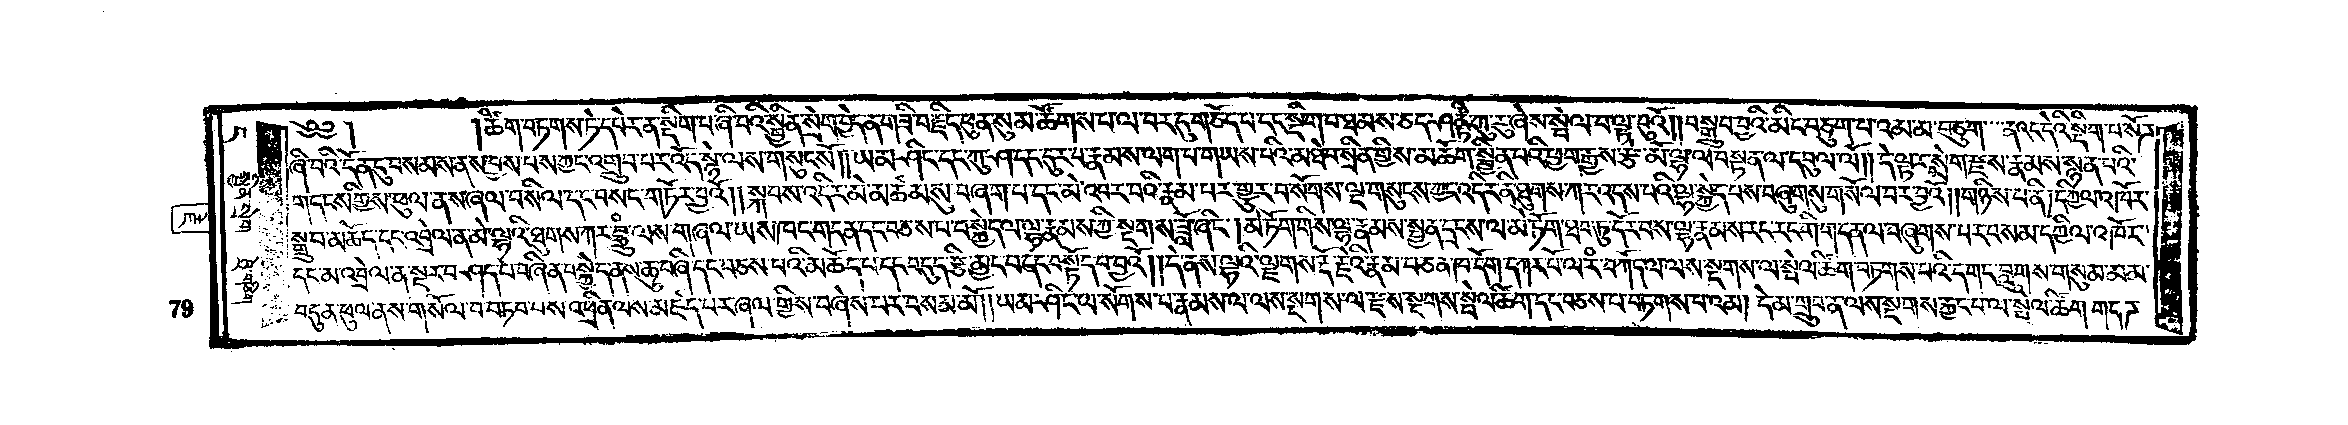༄༅། །ཚིག་བཏགས་ཏེ་དཔེར་ན་སྡིག་པ་ཞི་བའི་སྦྱིན་སྲེག་བྱེད་ན་གཟི་བརྗིད་ཕུན་སུམ་ཚོགས་པ་ལ་བར་དུ་གཅོད་པ་དང་སྡིག་པ་ཐམས་ཅད་ཤནྟིཀུ་རུ་ཞེས་སྤེལ་བ་ལྟ་བུའོ། །བསྒྲུབ་བྱའི་མིང་བཅུག་པ་འམ་མ་བཅུག་ནའང་དེའི་སྡིག་པ་སོགས་
ཞི་བའི་དོན་དུ་བསམས་ནས་བྱས་པས་ཀྱང་འགྲུབ་པར་འོད་སྙེ་ལས་གསུངས་སོ། །ཡམ་ཤིང་དང་ཀུ་ཤ་དང་དུར་པ་རྣམས་ལག་པ་གཡས་པའི་མཐེབ་སྲིན་གྱིས་མཆོག་སྦྱིན་པའི་ཕྱག་རྒྱས་རྩེ་མོ་ལྷ་ལ་བསྟན་ལ་དབུལ་ལོ། །དེ་ལྟར་སྲེག་རྫས་རྣམས་སྙན་པའི་
གདངས་གྱིས་ཕུལ་ནས་ཞལ་བསིལ་དང་བསང་གཏོར་བྱའོ། །སྐབས་འདིར་མེ་མཚམས་སུ་བཞག་པ་དང་མེ་འབར་བའི་རྣམ་པར་གྱུར་བ་སོགས་ལྔ་གསུངས་ཀྱང་འདིར་ནི་ཐུགས་ཀར་འདས་པའི་ལྷ་སྐྱེད་པས་བཞུགས་སུ་གསོལ་བར་བྱའོ། །གཉིས་པ་ནི། དཀྱིལ་འཁོར་
སྒྲུབ་མཆོད་དང་འབྲེལ་ན་མེ་ལྷའི་ཐུགས་ཀར་བྷྲུཾལས་གཞལ་ཡས་ཁང་གདན་དང་བཅས་པ་བསྐྱེད་ལ་ལྷ་རྣམས་ཀྱི་སྔགས་ཟློཞིང་། མེ་ཏོག་གིས་ལྷ་རྣམས་སྤྱན་དྲངས་ལ་མེ་ཏོག་ཐབ་ཏུ་དོར་བས་ལྷ་རྣམས་རང་རང་གི་གདན་ལ་བཞུགས་པར་བསམ་དཀྱིལ་འཁོར་
དང་མ་འབྲེལ་ན་སྔར་བཤད་པ་བཞིན་བསྐྱེད་ནས་ཆུ་བཞི་དང་བཅས་པའི་མཆོད་པ་དང་བདུད་རྩི་མྱང་བ་དང་བསྟོད་པ་བྱའོ། །དེ་ནས་ལྷའི་ལྗགས་རྡོ་རྗེའི་རྣམ་པ་ཅན་ཁ་དོག་དཀར་པོ་ལ་རཾ་བཀོད་ལ་ལས་སྔགས་ལ་སྤེལ་ཚིག་བཏགས་པའི་དགངྦླུགས་གསུམ་མམ་
བདུན་ཕུལ་ནས་གསོལ་བ་བཏབ་པས་འཕྲིན་ལས་མཛད་པར་ཞལ་གྱིས་བཞེས་པར་བསམ་མོ། །ཡམ་ཤིང་ལ་སོགས་པ་རྣམས་ལ་ལས་སྔགས་ལ་རྫས་སྔགས་སྤེལ་ཚིག་དང་བཅས་པ་བཏགས་པ་འམ། དེ་མ་གྲུབ་ན་ལས་སྔགས་རྐྱང་པ་ལ་སྤེལ་ཚིག་གདཌ་